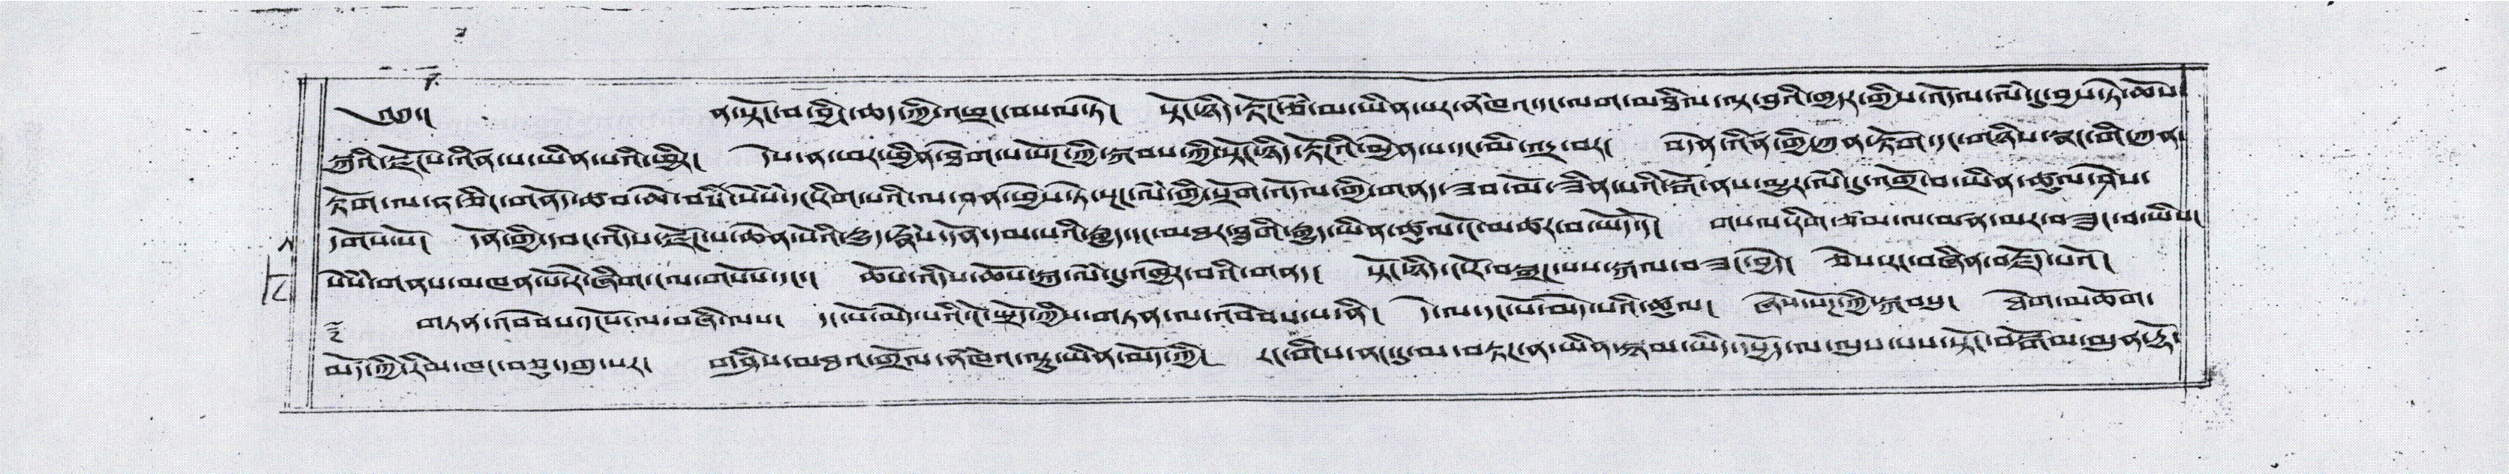ན་སྟོང་པ་བྱིང་ཆད་ཀྱི་འཕྲང་བསལ་ཏེ། སྟོང་ཉིད་རྟོགས་ཙམ་མ་ཡིན་པར་ནམ་མཁའ་དང་ལག་མཐིལ་ལྟ་བུའི་ཁྱད་པར་གྱིས་འདོལ་ལམ་དུ་བྱས་ཏེ་ཆོས་
སྐུའི་རྫོངས་འཛིན་པ་ཡིན་པའི་ཕྱིར། དེས་ན་ཕར་ཕྱིན་ཐེག་པ་སོགས་ཀྱི་སྐབས་ཀྱི་སྟོང་ཉིད་རྟོགས་པའི་མཁྱེན་པ་དང་མི་འདྲ་བར། བདེན་འཛིན་གྱི་ཀུན་རྟོག་དང་གཉིས་སྣང་གི་ཀུན་
རྟོག་ལ་ཧ་ཅིང་གནོད་ཚབ་ཆེ་བས་སེམས་དང་རིག་པའི་ལ་ཤན་ཕྱེས་ཏེ་སྔགས་ལམ་གྱི་སྲོག་འདོལ་གྱི་གནད་ཟབ་མོ་ཟིན་པའི་སྒོ་ནས་མྱུར་ལམ་དུ་འགྲོ་བ་ཡིན་ཚུལ་ཤེས་
དགོས་སོ། དོན་གྱི་དབང་འདིས་རྫོགས་པ་ཆེན་པོའི་རྒྱུད་རྣམས་དོན་དམ་པའི་རྒྱུད་དང་མཐར་ཐུག་གི་རྒྱུད་ཡིན་ཚུལ་ངོ་མཚར་བ་ཡོད་དོ། གསལ་རིག་ཙམ་ལ་མཚན་མར་བཟུང་བ་ཡིས། 
སེམས་གནས་མཁན་པོ་རེ་ཞིག་ངལ་གསོས་དང། ཆོས་འདིས་ཆོས་སྐུ་ལམ་དུ་འཁྱེར་བའི་གནད། སྟོང་ཉིད་ང་རོ་བསྒྲགས་པས་སྐལ་བཟང་བྱེད། ཅེས་རང་བཞིན་བརྗོད་པའོ། 
༑ གཏན་འབེབ་དངོས་ལ་བཞི་ལས། དང་པོ་མེད་པའི་ངོ་སྤྲོད་ཀྱིས་གཏན་ལ་འབེབས་པ་ནི། དེ་ལ་དང་པོ་མེད་པའི་ཚུལ། ཞེས་སོགས་ཀྱི་སྐབས་སུ། ཐེག་མཆོག་
མཛོད་ཀྱི་རིམ་ཁང་བཅུ་དགུ་པར། གཤིས་མཐའ་གྲོལ་ནམ་མཁའ་ལྟ་བུ་ཡིན་མོད་ཀྱི། རང་གིས་ནང་དུ་མ་བརྟགས་ན་ཡིན་སྙམ་ཡིད་དཔྱོད་མ་ལུས་པས་སྟོང་བསྒོམ་མུན་རྡོ་